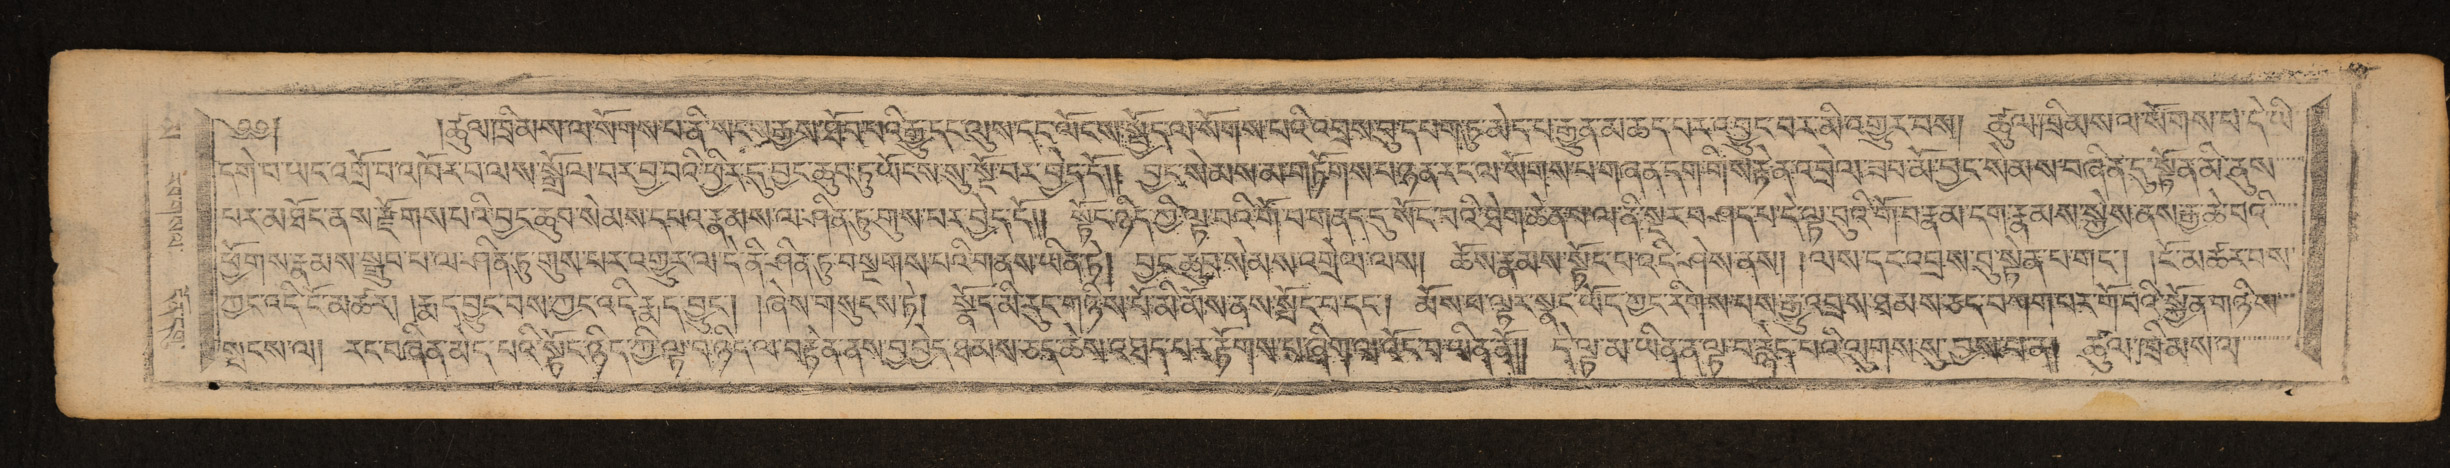༄༅། །ཚུལ་ཁྲིམས་ལ་སོགས་པ་ནི་སངས་རྒྱས་ཐོབ་པའི་རྒྱུ་དང་ལུས་དང་ལོངས་སྤྱོད་ལ་སོགས་པའི་འབྲས་བུ་དཔག་ཏུ་མེད་པ་རྒྱུན་མ་ཆད་པར་འབྱུང་བར་མི་འགྱུར་བས། ཚུལ་ཁྲིམས་ལ་སོགས་པ་དེ་ཡི་
དགེ་བ་ཡང་འགྲོ་བ་འཁོར་བ་ལས་སྒྲོལ་བར་བྱ་བའི་ཕྱིར་དུ་བྱང་ཆུབ་ཏུ་ཡོངས་སུ་སྔོ་བར་བྱེད་དོ།། བྱང་སེམས་མ་གཏོགས་པ་ཉན་རང་ལ་སོགས་པ་གཞན་དག་གིས་རྟེན་འབྲེལ་ཟབ་མོ་བྱང་སེམས་བཞིན་དུ་སྟོན་མི་ནུས་
པར་མཐོང་ནས། རྫོགས་པའི་བྱང་ཆུབ་སེམས་དཔའ་རྣམས་ལ་ཤིན་ཏུ་གུས་པར་བྱེད་དོ།། སྟོང་ཉིད་ཀྱི་ལྟ་བའི་གོ་བ་གནད་དུ་སོང་བའི་ཐེག་ཆེན་པ་ལ་ནི་སྔར་བཤད་པ་དེ་ལྟ་བུའི་གོ་བ་རྣམ་དག་རྣམས་སྐྱེས་ནས་རྒྱ་ཆེ་བའི་
ཕྱོགས་རྣམས་སྒྲུབ་པ་ལ་ཤིན་ཏུ་གུས་པར་འགྱུར་ལ་དེ་ནི་ཤིན་ཏུ་བསྔགས་པའི་གནས་ཡིན་ཏེ། བྱང་ཆུབ་སེམས་འགྲེལ་ལས། ཆོས་རྣམས་སྟོང་པ་འདི་ཤེས་ནས། །ལས་དང་འབྲས་བུ་སྟེན་པ་གང་། །ངོ་མཚར་བས་
ཀྱང་འདི་ངོ་མཚར། །རྨད་བྱུང་བས་ཀྱང་འདི་རྨད་བྱུང་། །ཞེས་གསུངས་ཏེ། སྣོད་མི་རུང་གཉིས་པོ་མི་མོས་ནས་སྤོང་བ་དང་། མོས་པ་ལྟར་སྣང་ཡོད་ཀྱང་རིགས་པས་རྒྱུ་འབྲས་ཐམས་ཅད་བཀག་པར་གོ་བའི་སྐྱོན་གཉིས་
སྤངས་ལ། རང་བཞིན་མེད་པའི་སྟོང་ཉིད་ཀྱི་ལྟ་བ་ཉིད་ལ་བརྟེན་ནས་བྱ་བྱེད་ཐམས་ཅད་ཆེས་འཐད་པར་རྟོགས་པ་ཞིག་ལ་འོང་བ་ཡིན་ནོ།། དེ་ལྟ་མ་ཡིན་ན་ལྟ་བ་རྙེད་པའི་ལུགས་སུ་བྱས་པ་ན། ཚུལ་ཁྲིམས་ལ་